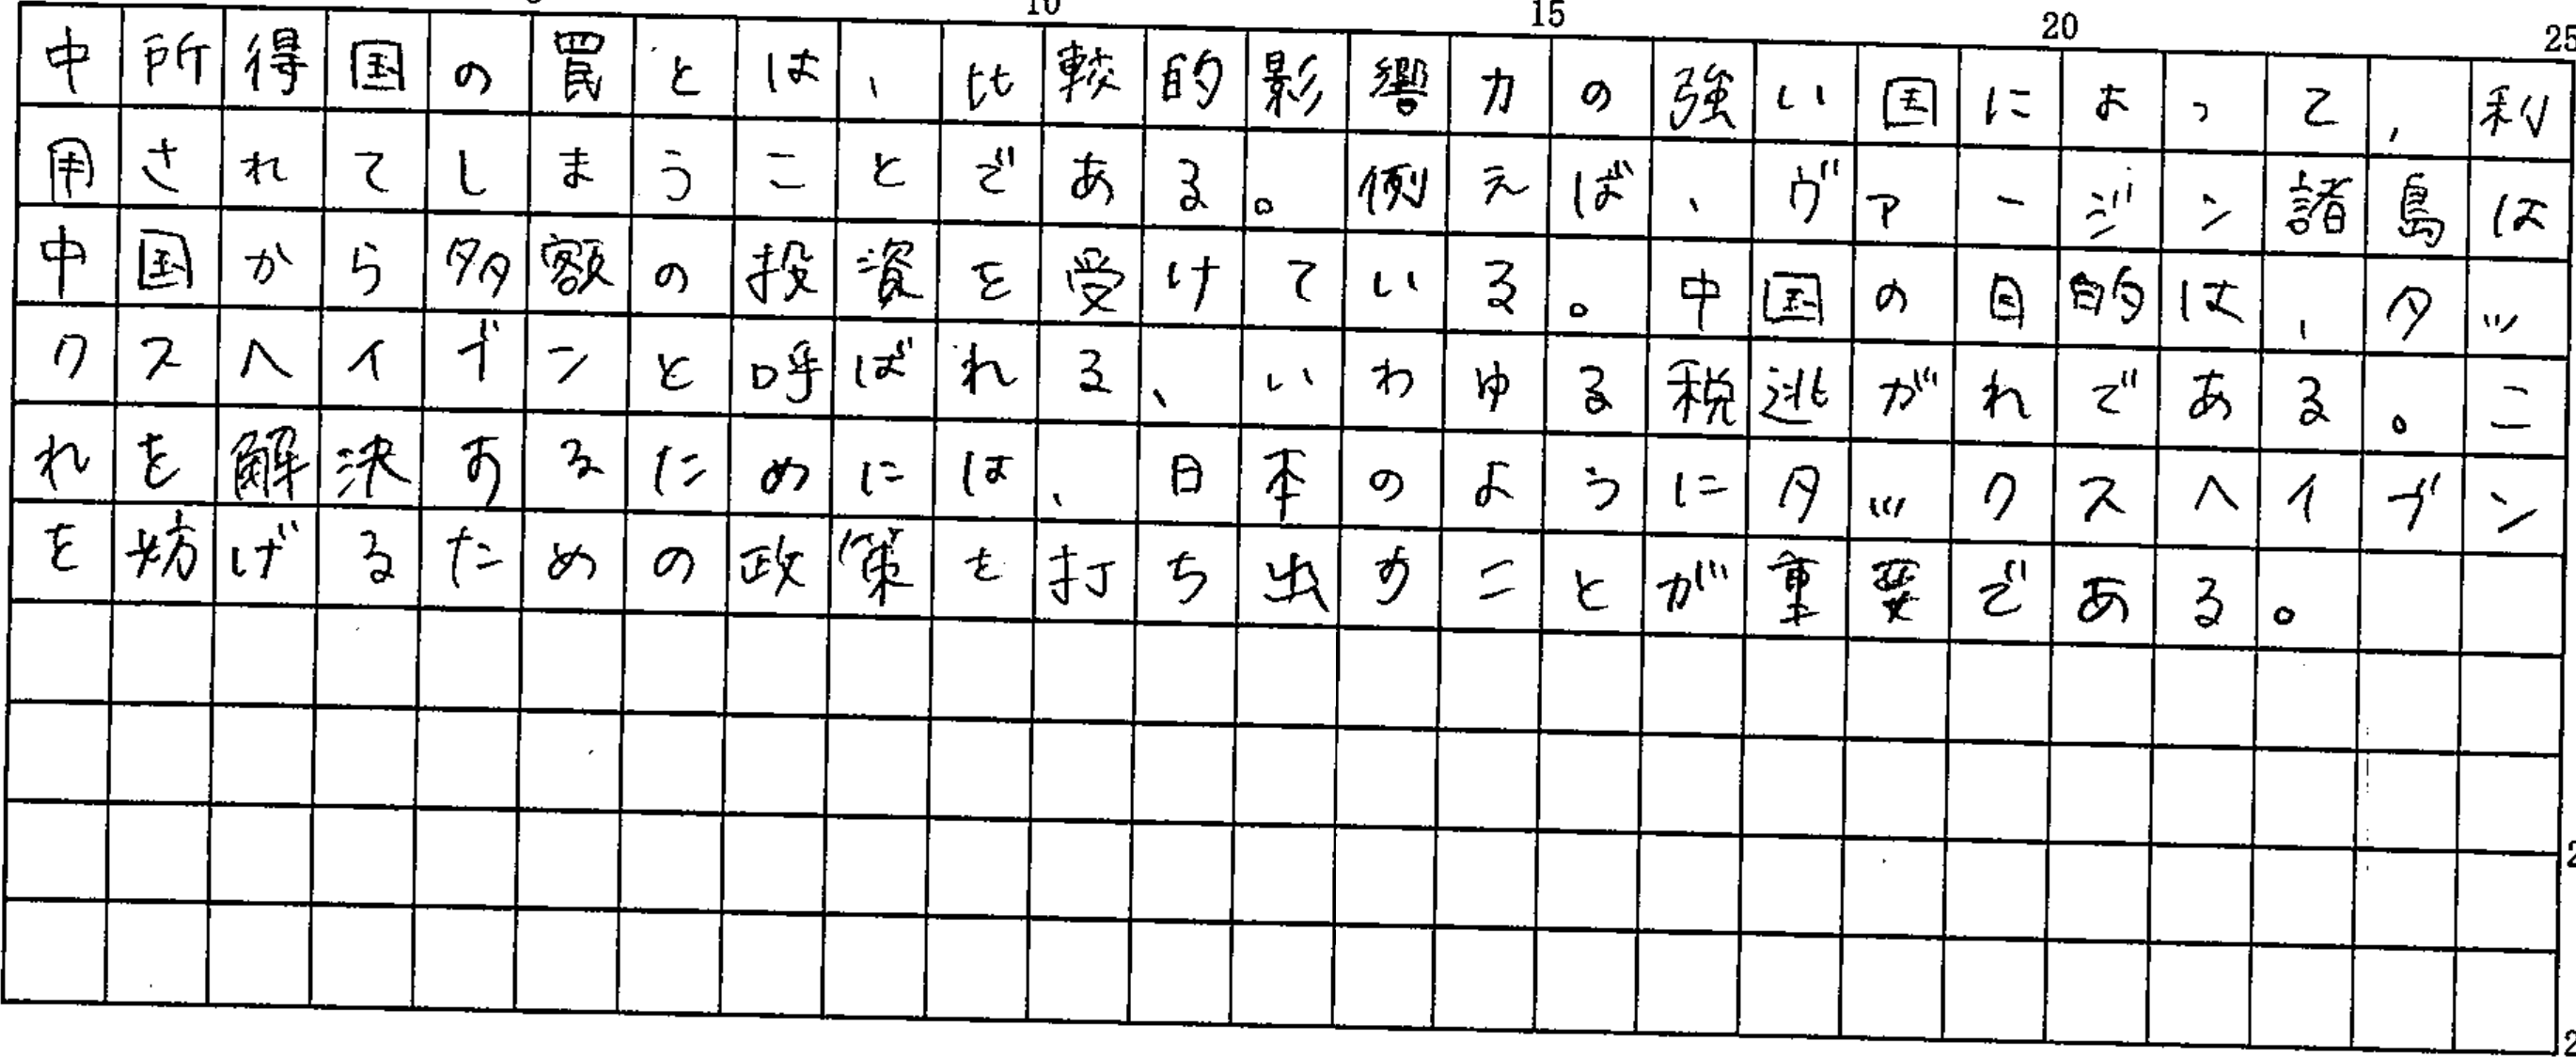中所得国の罠とは、比較的影響力の強い国によって，利用されてしまうことである。例えば、ヴァージン諸島は中国から多額の投資を受けている。中国の目的は、タックスヘイブンと呼ばれる、いわゆる税逃がれである。これを解決するためには、日本のようにタックスヘイブンを妨げるための政策を打ち出すことが重要である。
